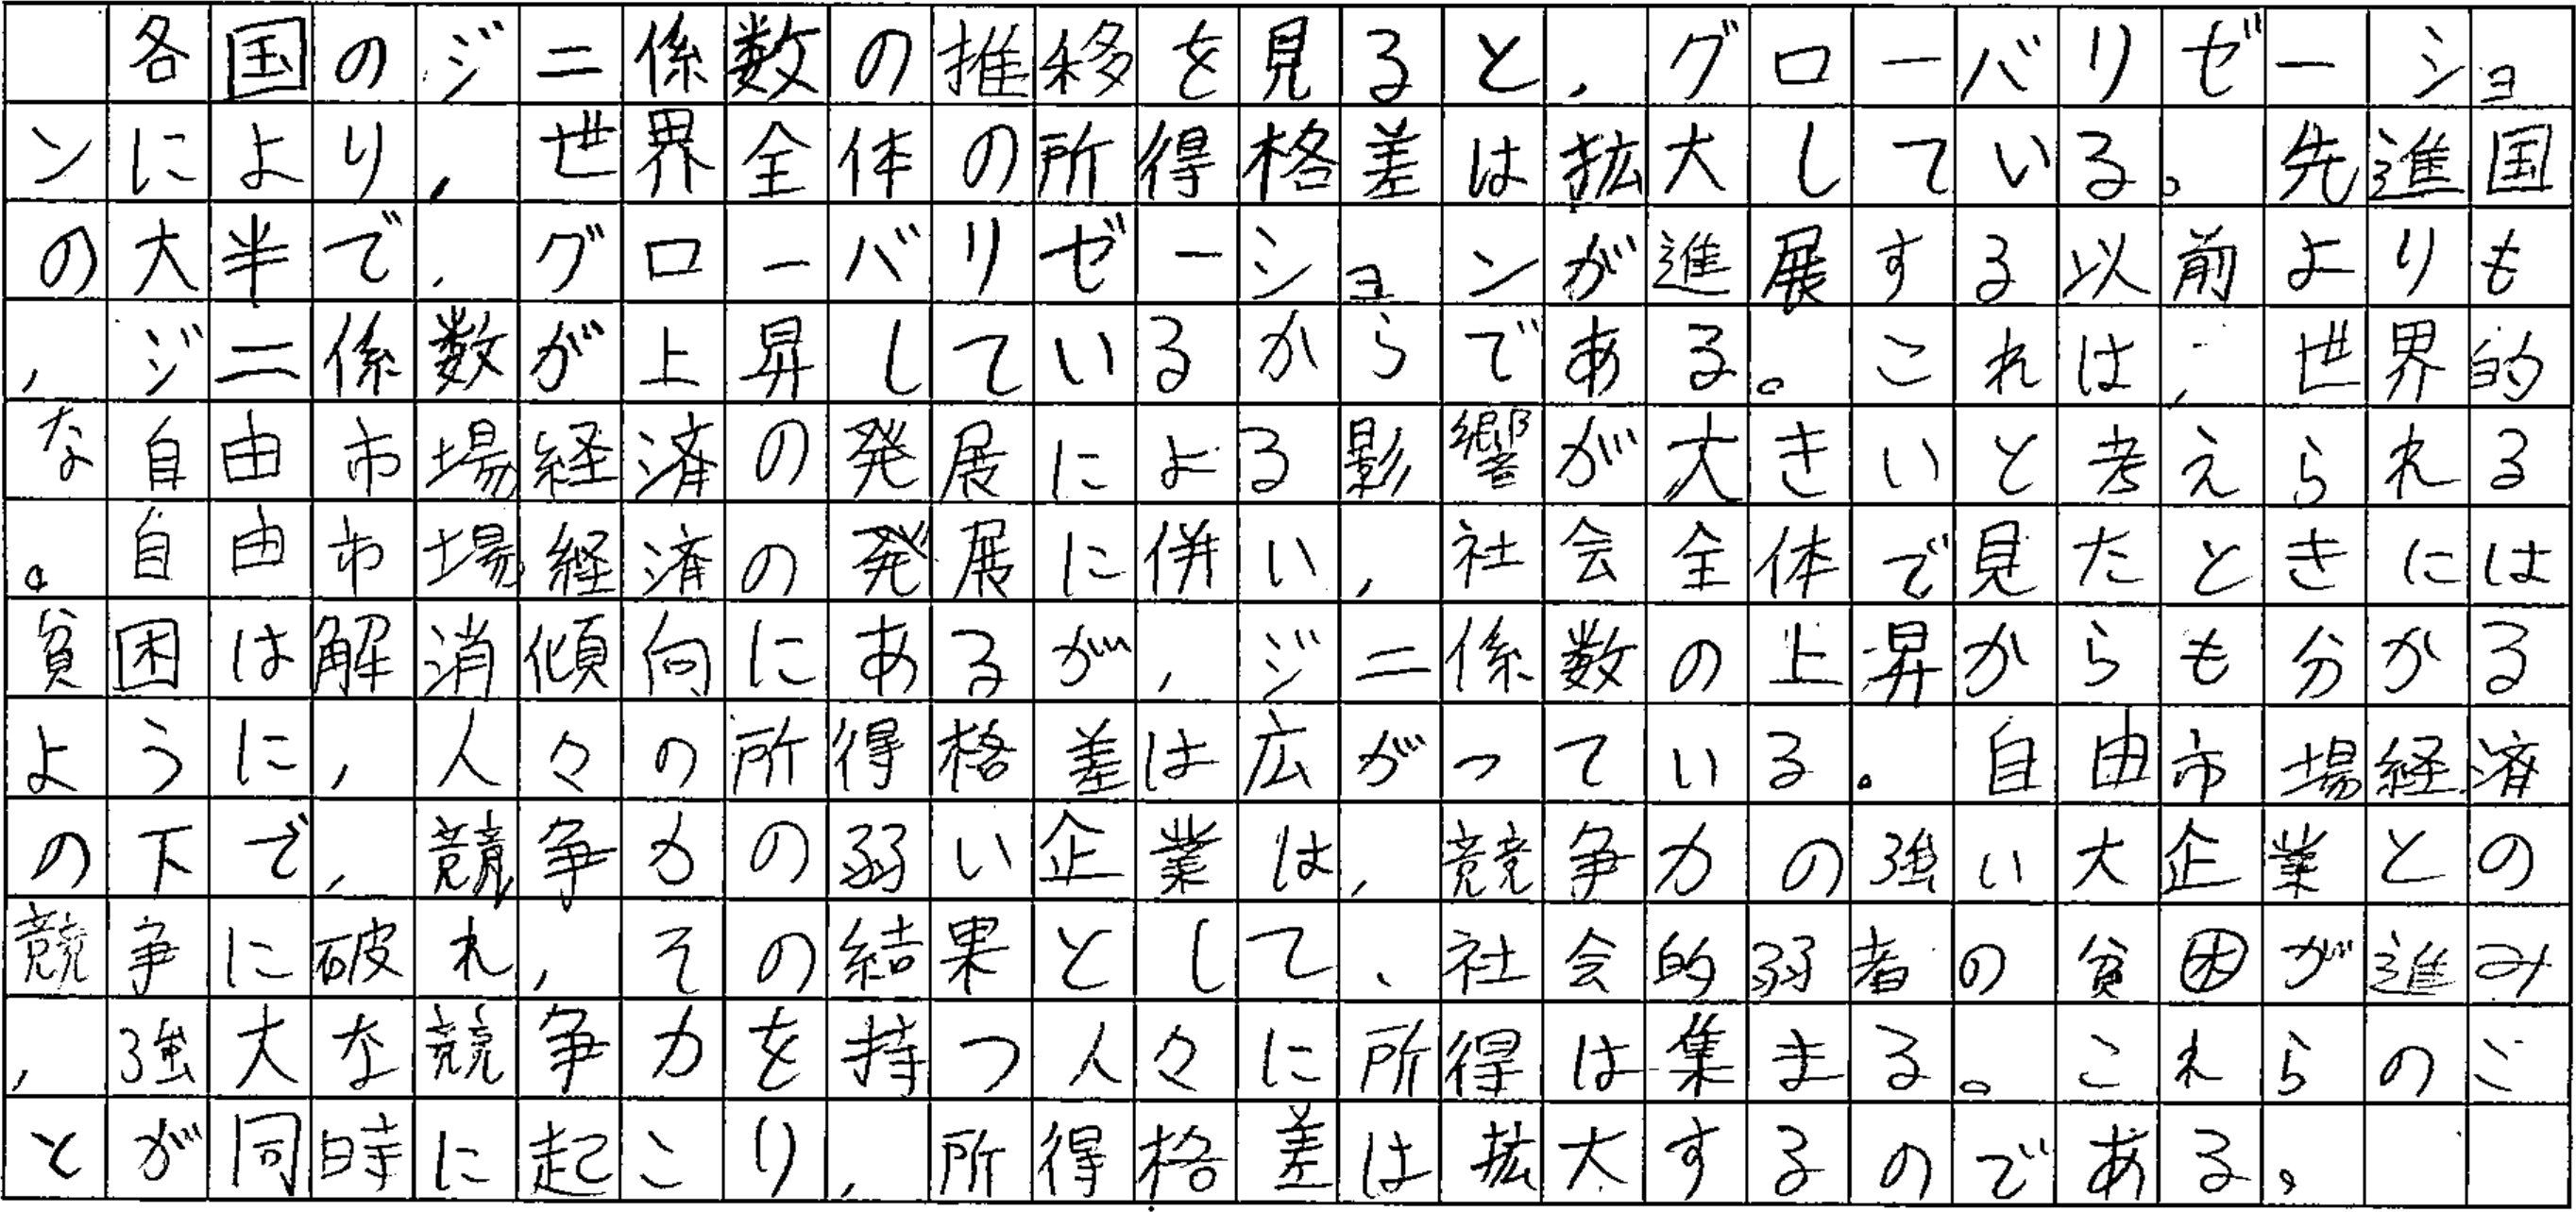　各国のジニ係数の推移を見ると、グローバリゼーションにより、世界全体の所得格差は拡大している。先進国の大半で、グローバリゼーションが進展する以前よりも、ジニ係数が上昇しているからである。これは、世界的な自由市場経済の発展による影響が大きいと考えられる。自由市場経済の発展に併い、社会全体で見たときには貧困は解消傾向にあるが、ジニ係数の上昇からも分かるように、人々の所得格差は広がっている。自由市場経済の下で、競争力の弱い企業は、競争力の強い大企業との競争に破れ、その結果として、社会的弱者の貧困が進み、強大な競争力を持つ人々に所得は集まる。これらのことが同時に起こり、所得格差は拡大するのである。
